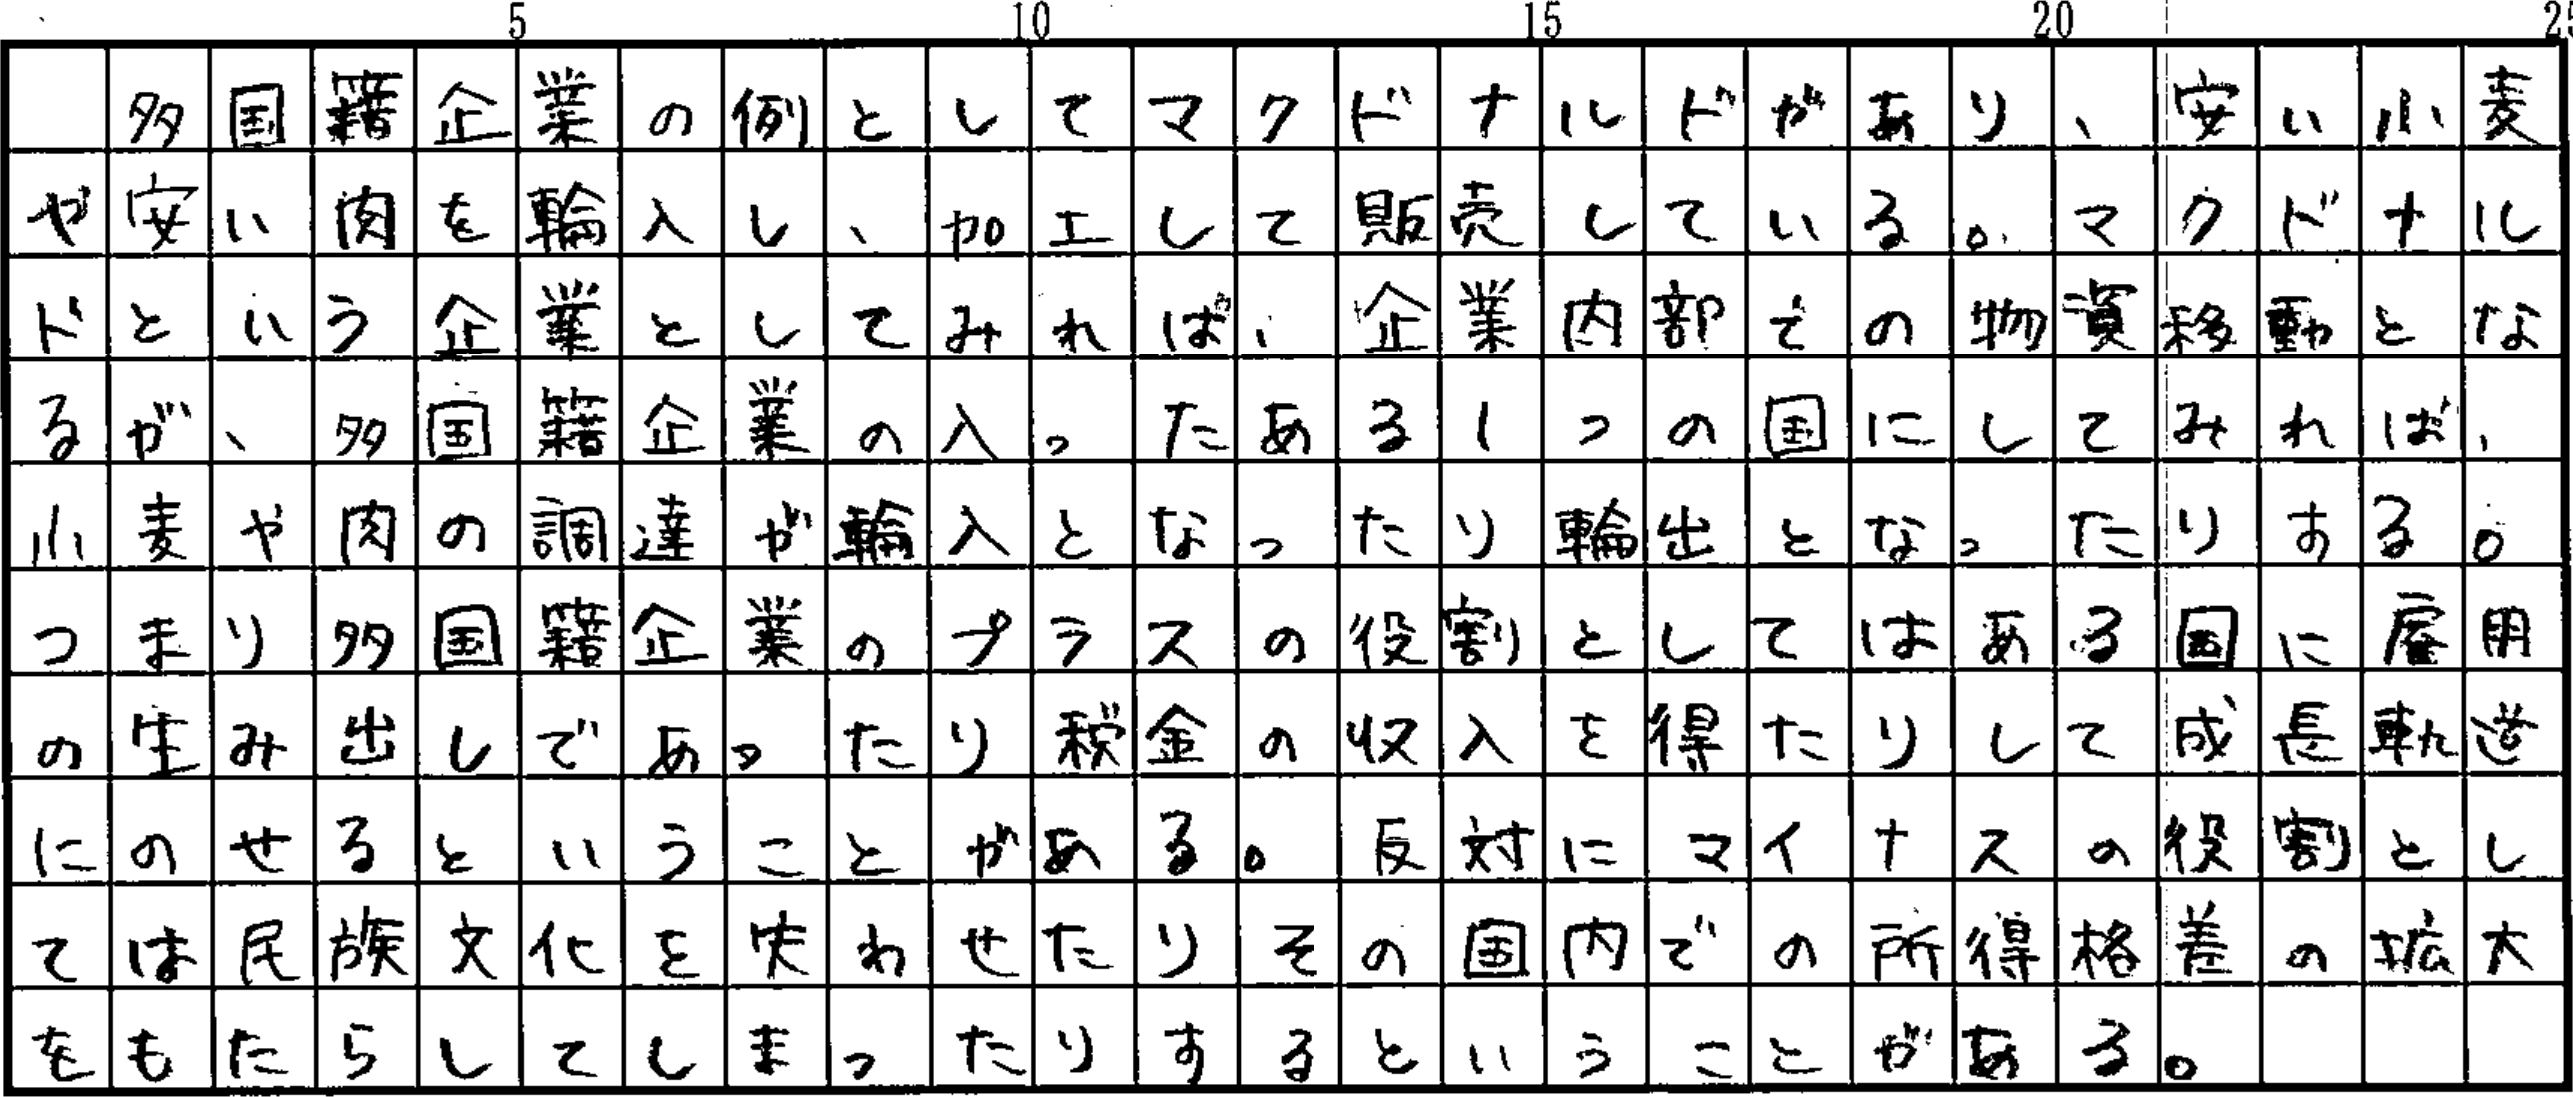　多国籍企業の例としてマクドナルドがあり、安い小麦や安い肉を輪入し、加工して販売している。マクドナルドという企業としてみれば、企業内部での物資移動となるが、多国籍企業の入ったある１つの国にしてみれば、小麦や肉の調達が輪入となったり輪出となったりする。つまり多国籍企業のプラスの役割としてはある国に雇用を生み出しであったり税金の収入を得たりして成長軌道にのせるということがある。反対にマイナスの役割としては民族文化を失わせたりその国内での所得格差の拡大をもたらしてしまったりするということがある。
